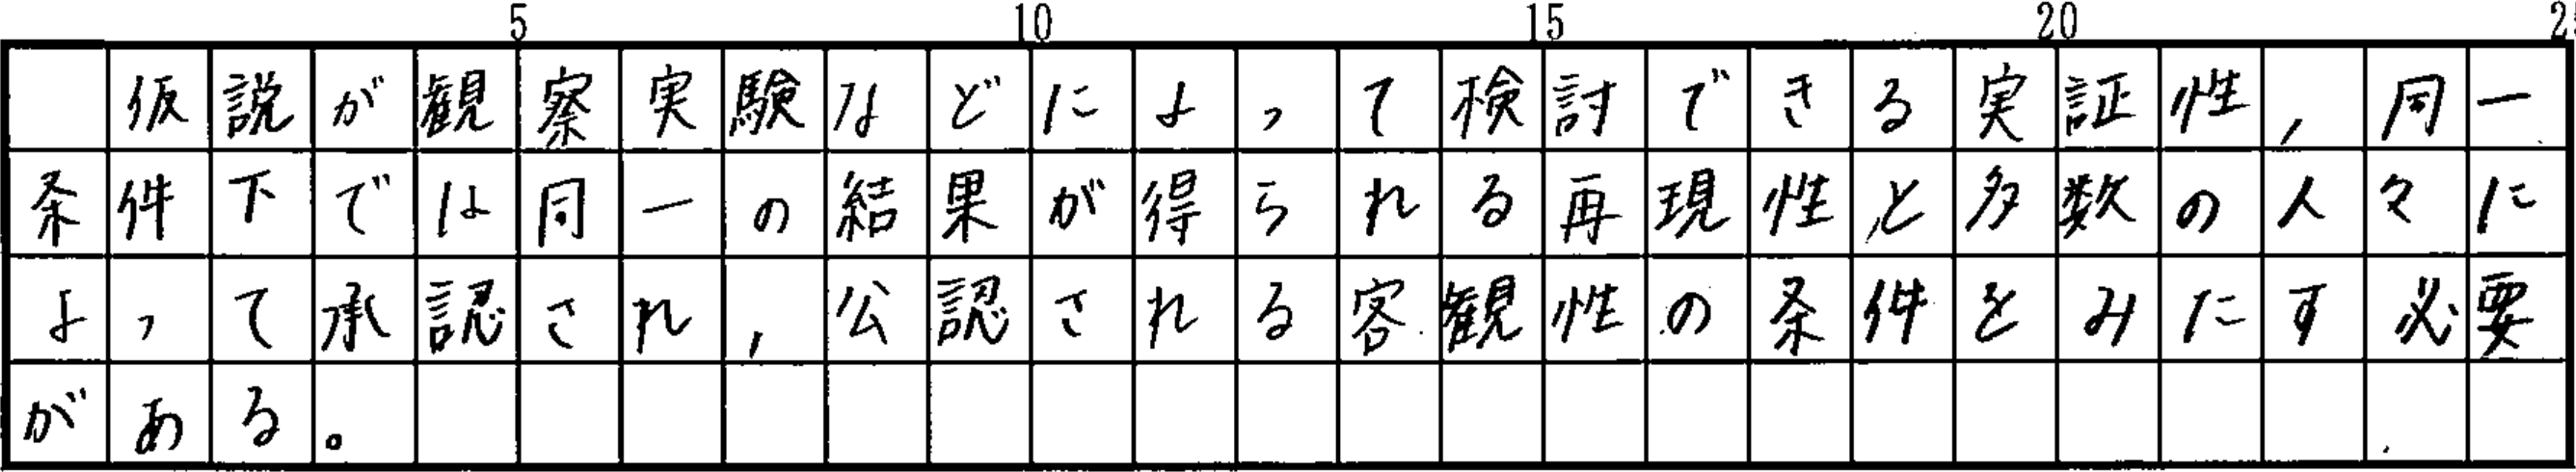　仮説が観察実験などによって検討できる実証性、同一条件下では同一の結果が得られる再現性と多数の人々によって承認され、公認される客観性の条件をみたす必要がある。
